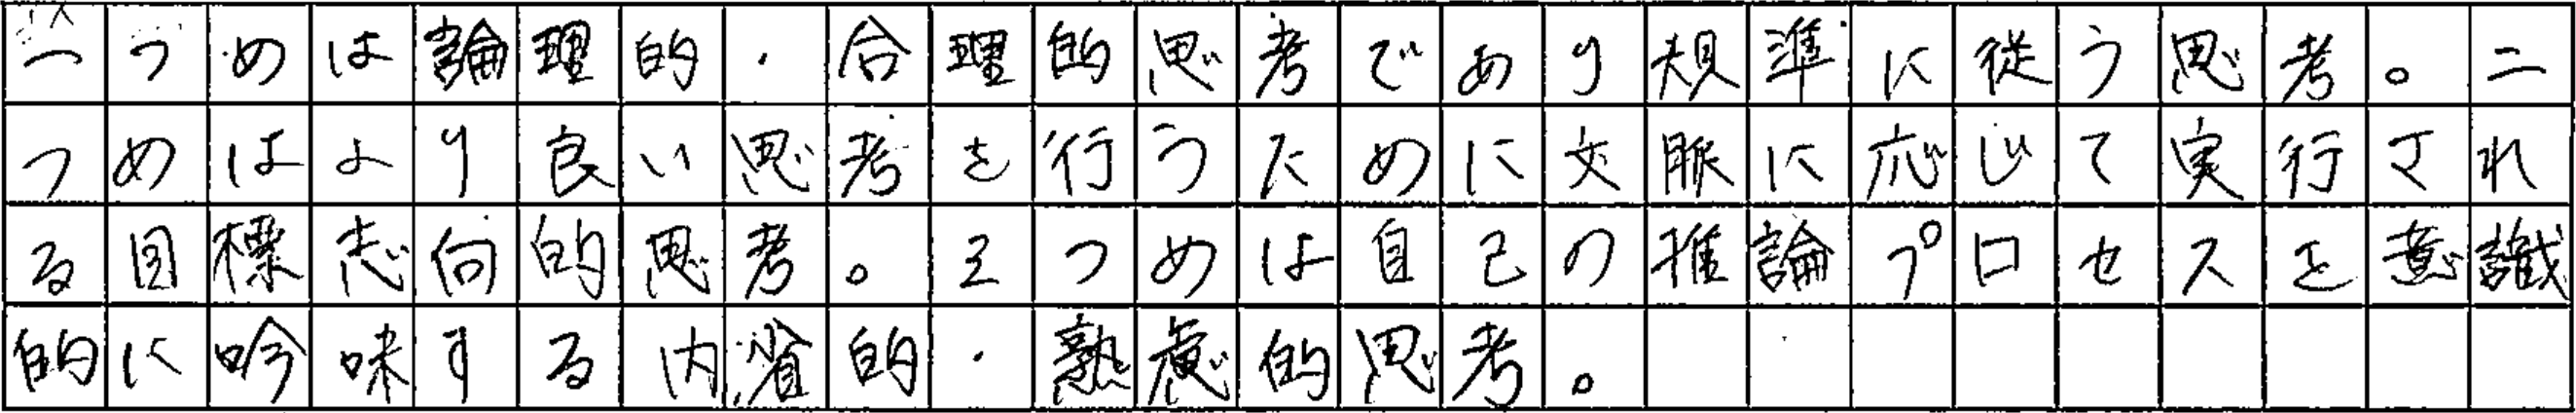一つめは論理的・合理的思考であり規準に従う思考。二つめはより良い思考を行うために文脈に応じて実行される目標志向的思考。三つめは自己の推論プロセスを意識的に吟味する内省的・熟慮的思考。
